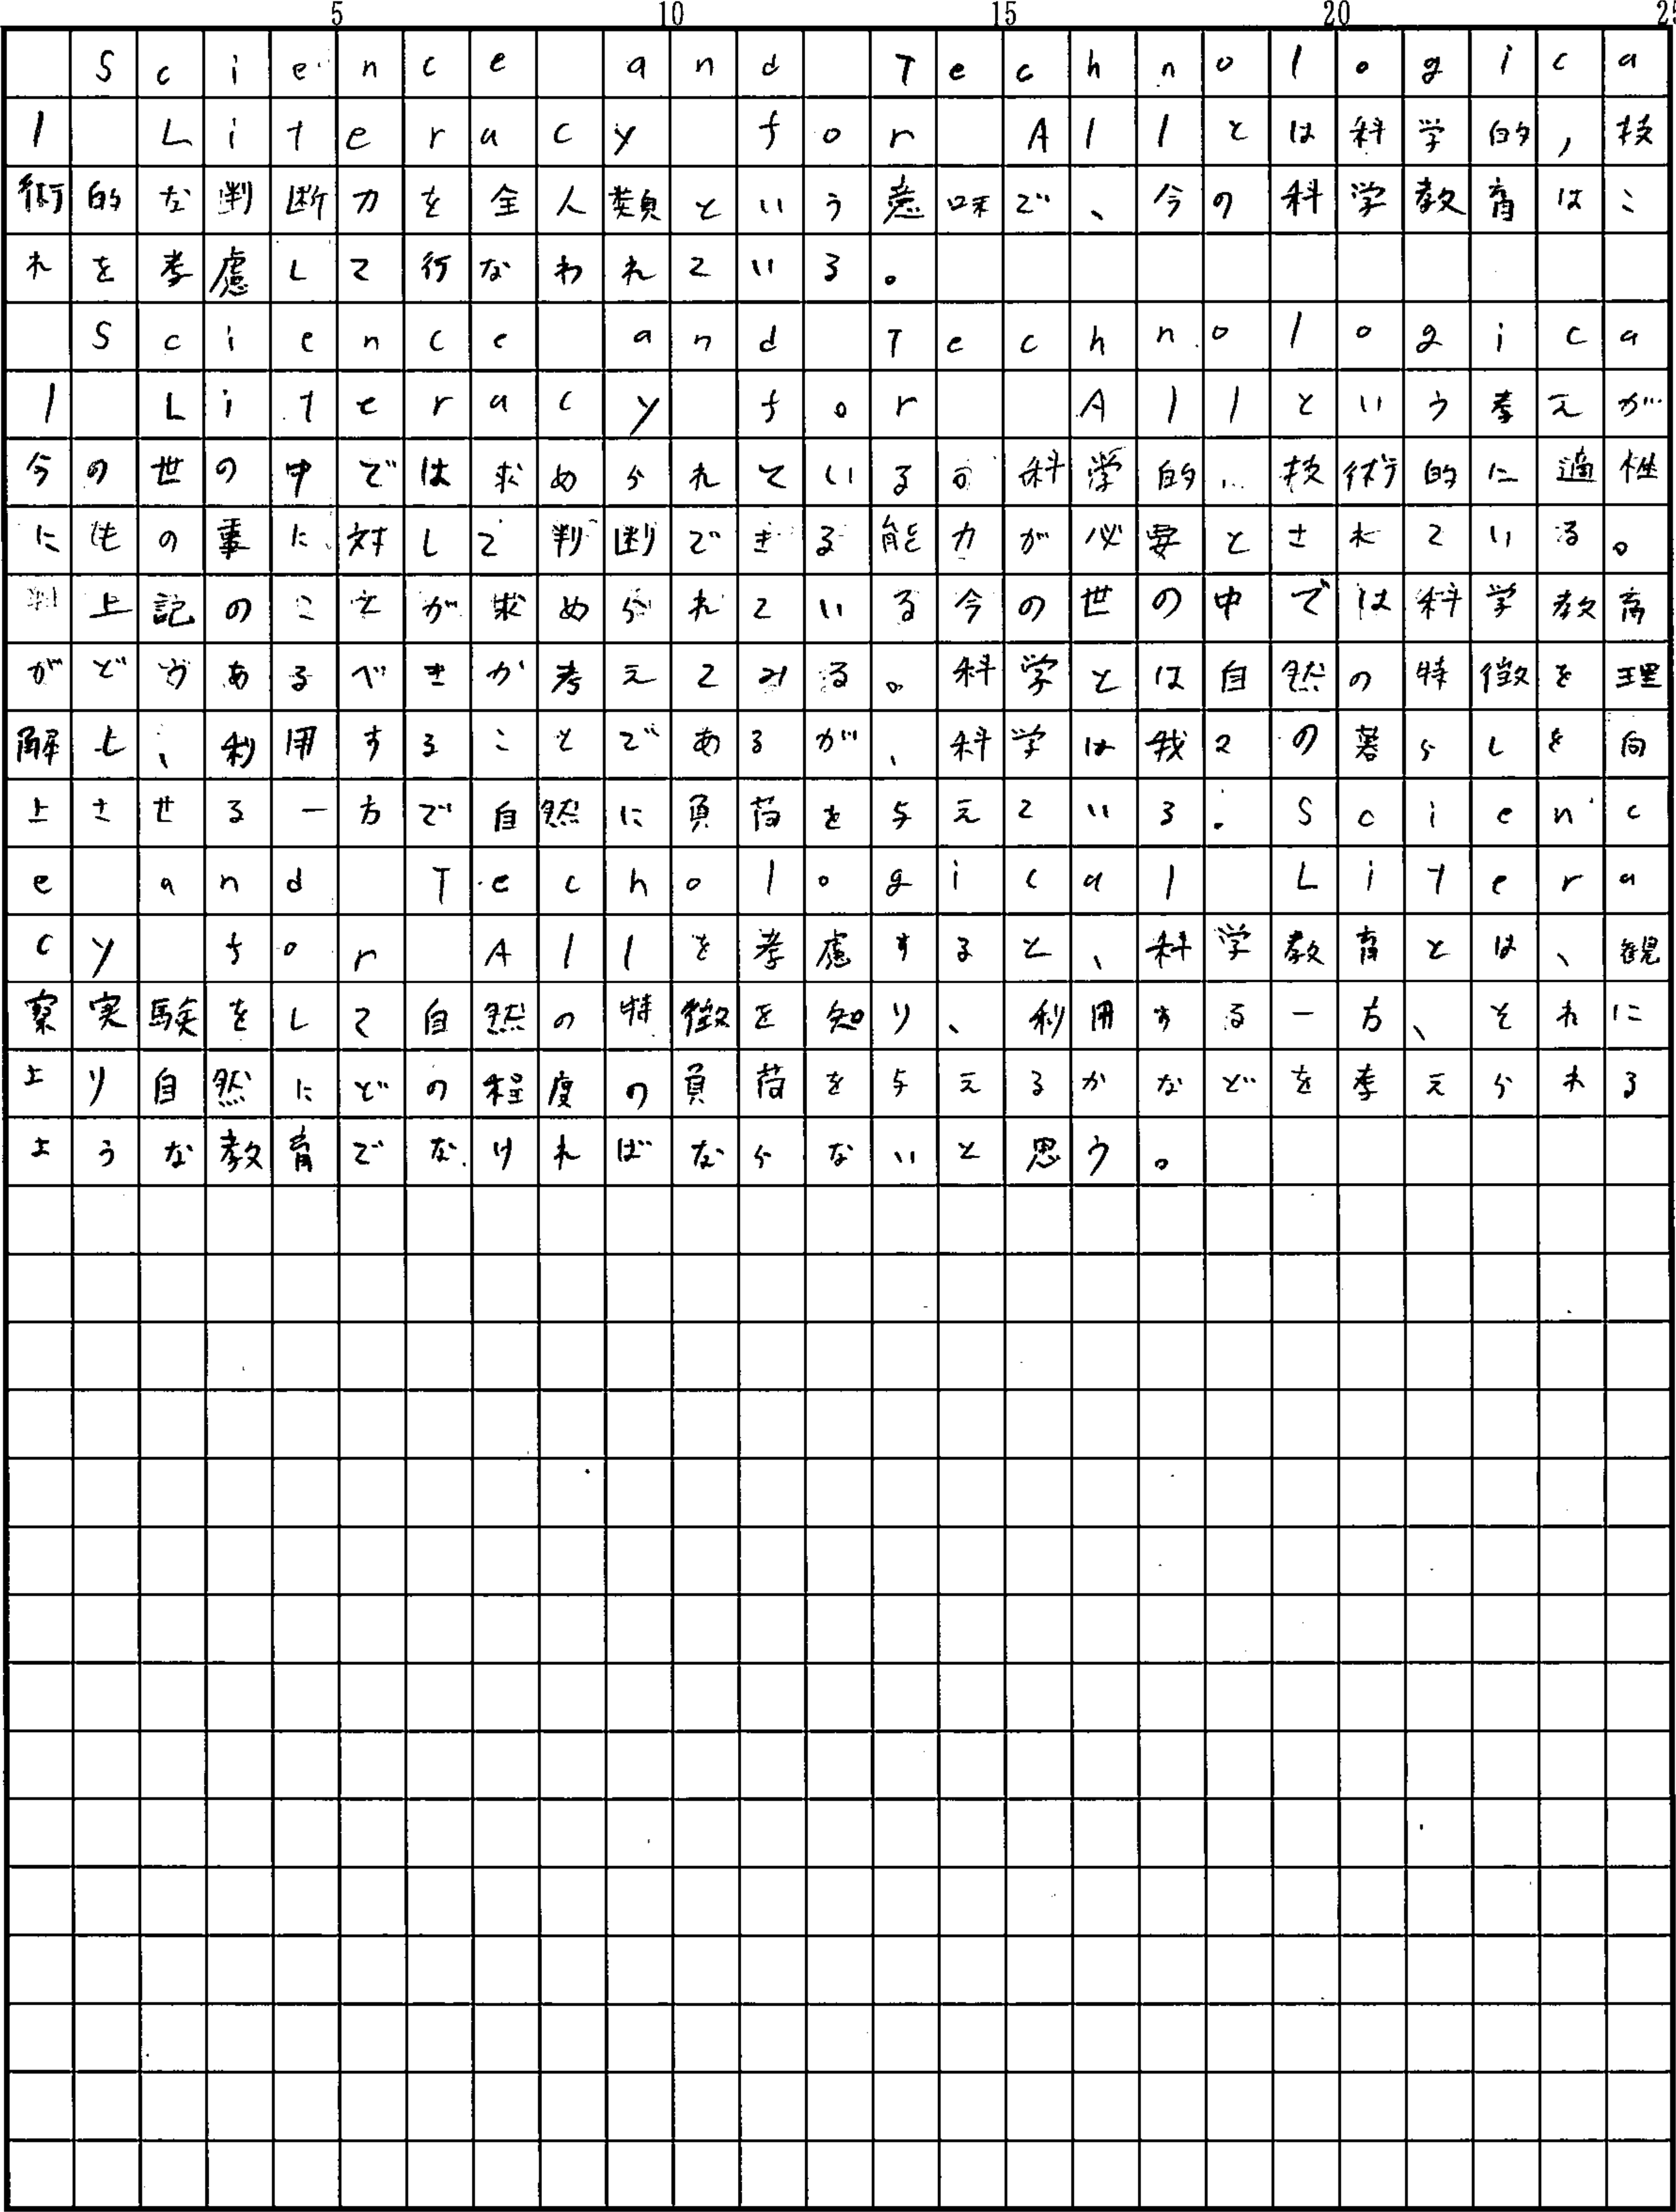　Ｓｃｉｅｎｃｅ　ａｎｄ　Ｔｅｃｈｎｏｌｏｇｉｃａｌ　Ｌｉｔｅｒａｃｙ　ｆｏｒ　Ａｌｌとは科学的，技術的な判断力を全人類という意味で、今の科学教育はこれを▁慮して行なわれている。
　Ｓｃｉｅｎｃｅ　ａｎｄ　Ｔｅｃｈｎｏｌｏｇｉｃａｌ　Ｌｉｔｅｒａｃｙ　ｆｏｒ　Ａｌｌという考えが今の世の中では求められている。科学的、技術的に適性にもの事に対して判▁できる能力が必要とされている。
　上記のことが求められている今の世の中では科学教育がどうあるべきか考えてみる。科学とは自然の特徴を理解し、利用することであるが、科学は我々の暮らしを向上させる一方で自然に負荷を与えている。Ｓｃｉｅｎｃｅ　ａｎｄ　Ｔｅｃｈｎｏｌｏｇｉｃａｌ　Ｌｉｔｅｒａｃｙ　ｆｏｒ　Ａｌｌを▁慮すると、科学教育とは、観察実験をして自然の特徴を知り、利用する一方、それにより自然にどの程度の負荷を与えるかなどを▁えられるような教育でなければならないと思う。
